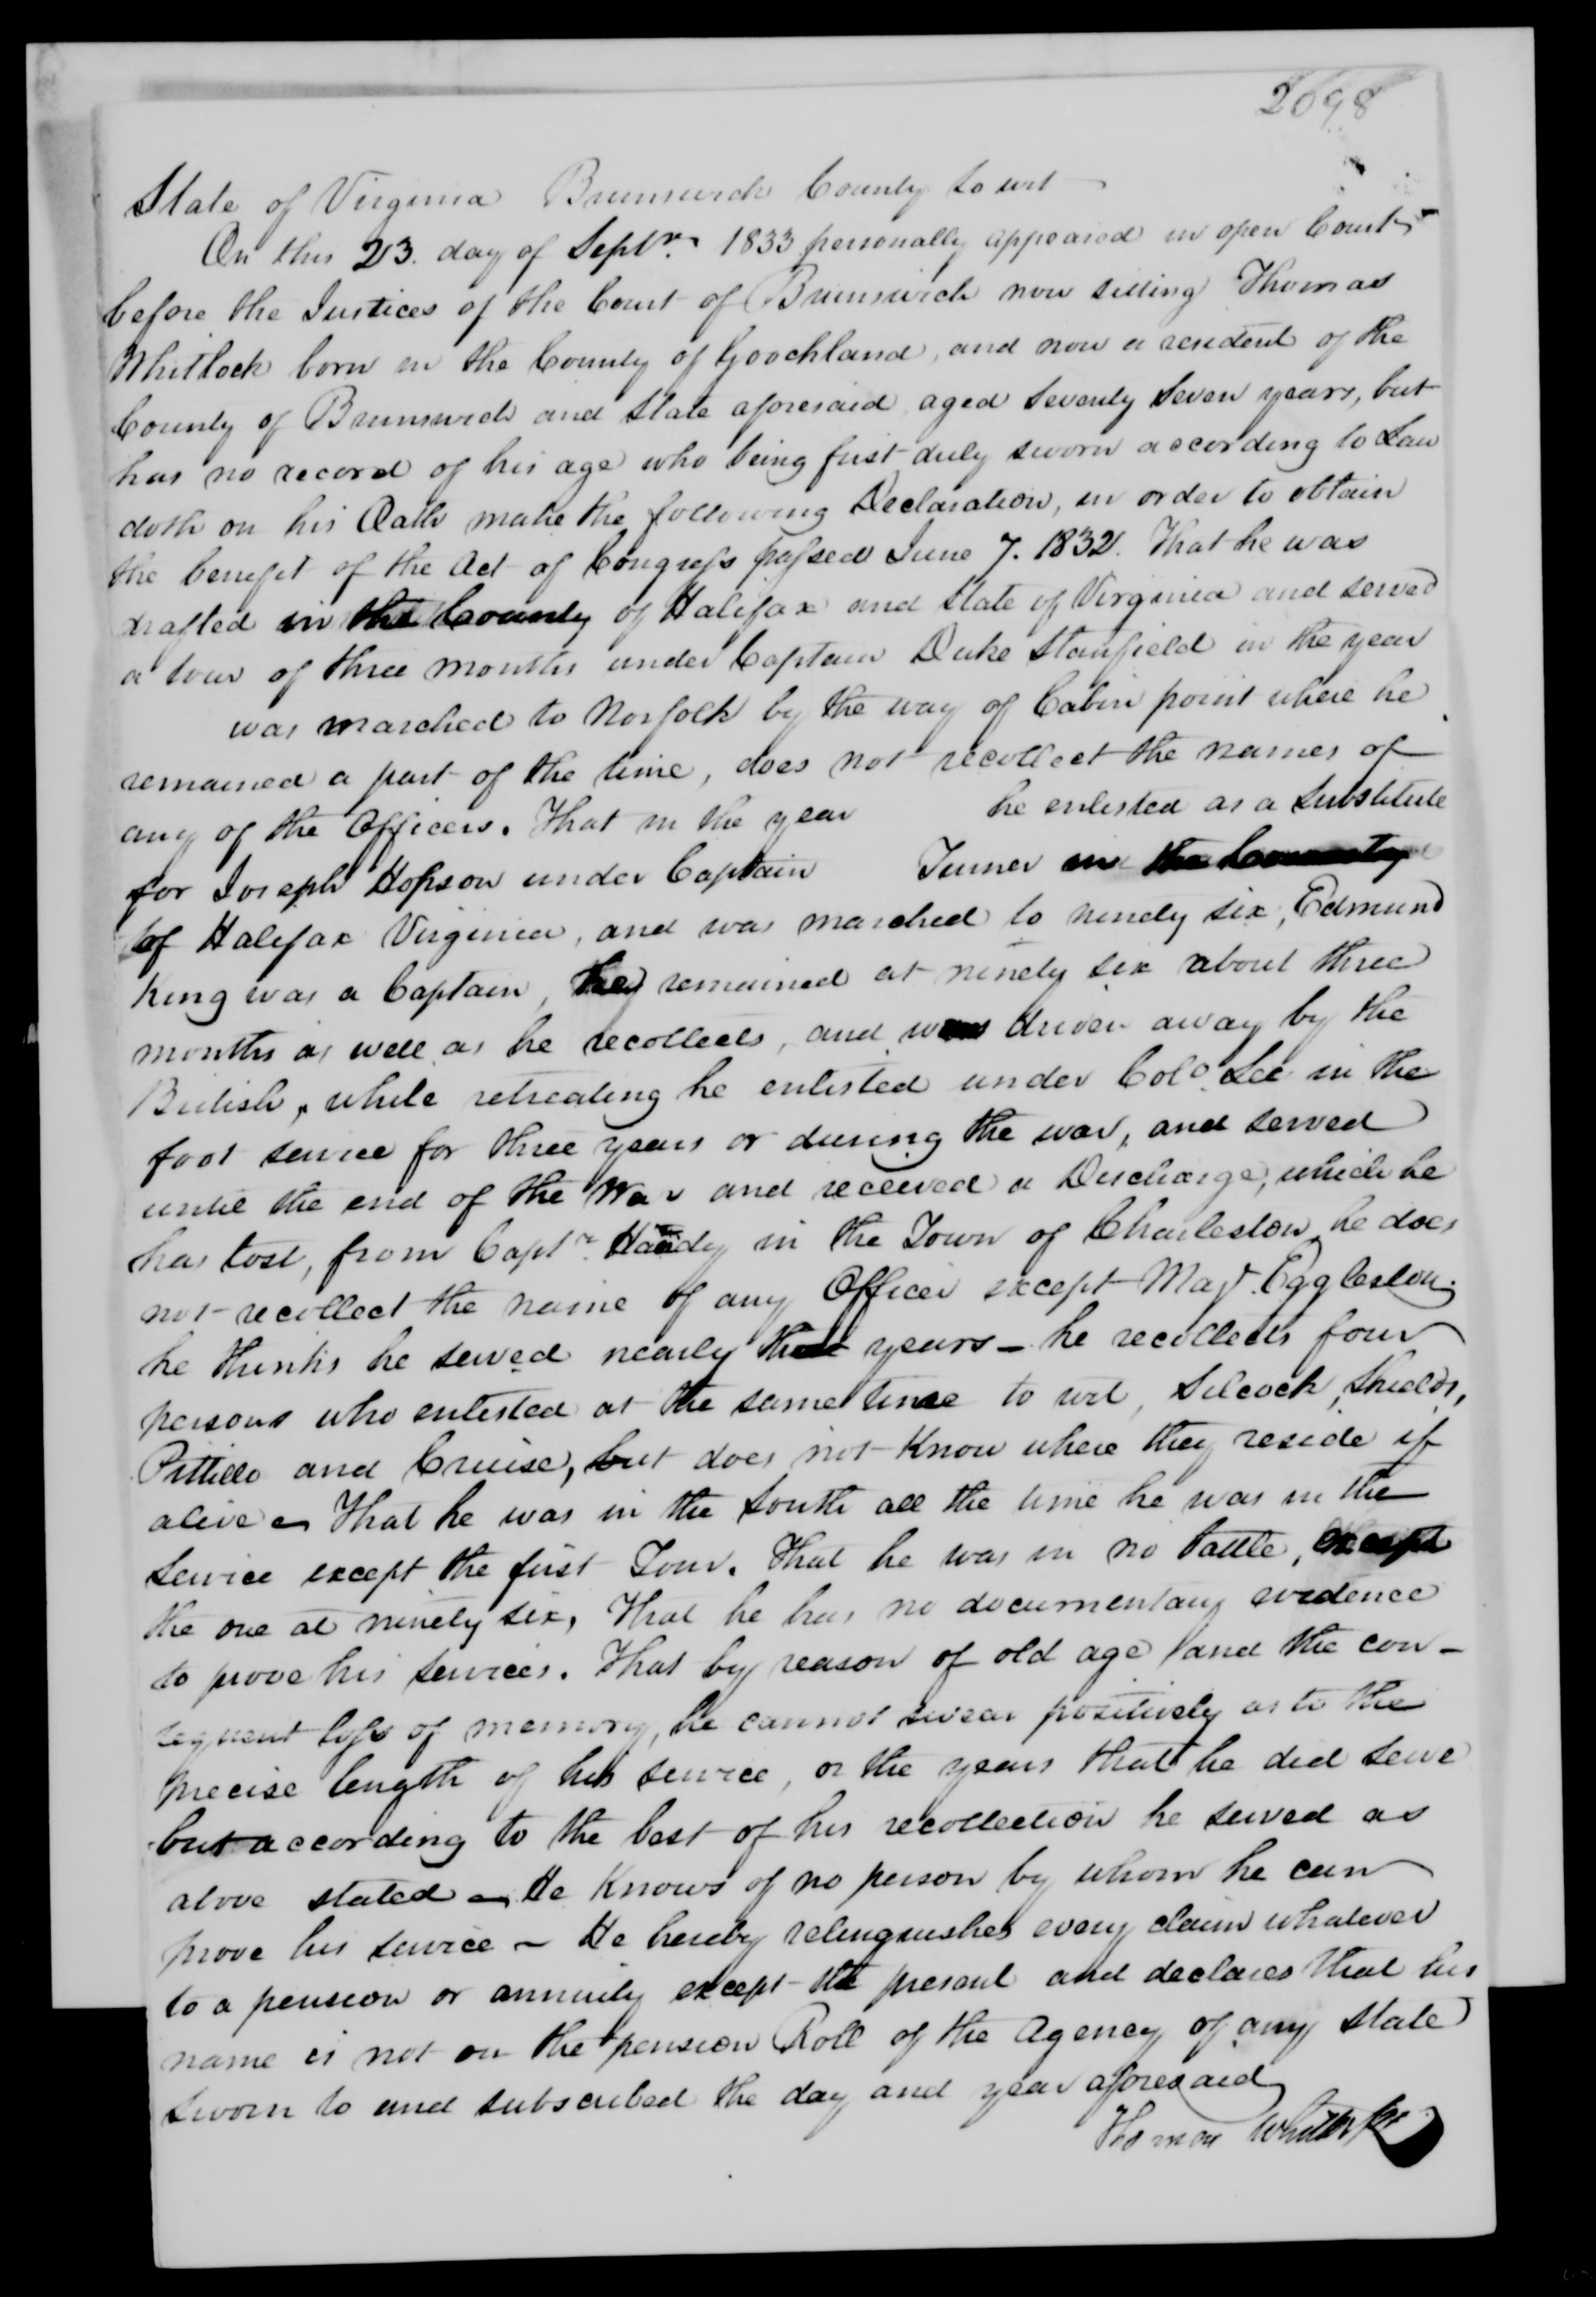2098
State of Virginia Brunswick County to wit
On this 23. day of Septr. 1833 personally appeared in open Court before the Justices of the Court of Brunswick now sitting Thomas Whitlock born in the County of Goochland, and now a resident of the County of Brunswick and State aforesaid aged Seventy Seven years, but has no record of his age who being first duly sworn according to Law doth on his Oath make the following Declaration, in order to obtain the benefit of the Act of Congress passed June 7. 1832. That he was drafted in the County of Halifax and State of Virginia and served a tour of three months under Captain Duke Stanfield in the year ______ was marched to Norfolk by the way of Cabin point where he remained a part of the time, does not recollect the names of any of the Officers. That in the year ____ he enlisted as a Substitute for Joseph Hopson under Captain Turner in the County of Halifax Virginia, and was marched to ninety six, Edmund King was a Captain, he remained at ninety six about three months as well as he recollects, and was driven away by the British, while retreating he enlisted under Colo. Lee in the foot services three years or during the war, and served until the end of the war and received a Discharge, which he has lost, from Capt. Hardy in the Town of Charleston, he does not recollect the name of any Officer except Majr. Eggbert, he thinks he served nearly three years - he recollects four persons who enlisted at the same time to wit, Silcock Shields, Prittillo and Cruise, but does not know where they reside if alive ~ That he was in the South all the time he was in the Service except the first Tour. That he was in no battle, except the one at ninety six, That he has no documentary evidence to prove his services. That by reason of old age and the consequent loss of memory, he cannot swear positively as to the precise length of his service, or the years that he did serve but according to the best of his recollection he served as above stated ~ He hereby relinquishes every claim whatever to a pension or annuity except the present and declares that his name is not on the pension Roll of the Agency of any State 
Sworn to and subscribed the day and year aforesaid
Thomas Whitlock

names: Pittillo, Joseph Hopson, Duke Stanfield, Lee, Silcock, Cruise, Edmund King, Thomas Whitlock, Turner, Shields, Handy, Eggleston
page: 30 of 32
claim: survivor's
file: S. 16020, Thomas Whitlock, Va.